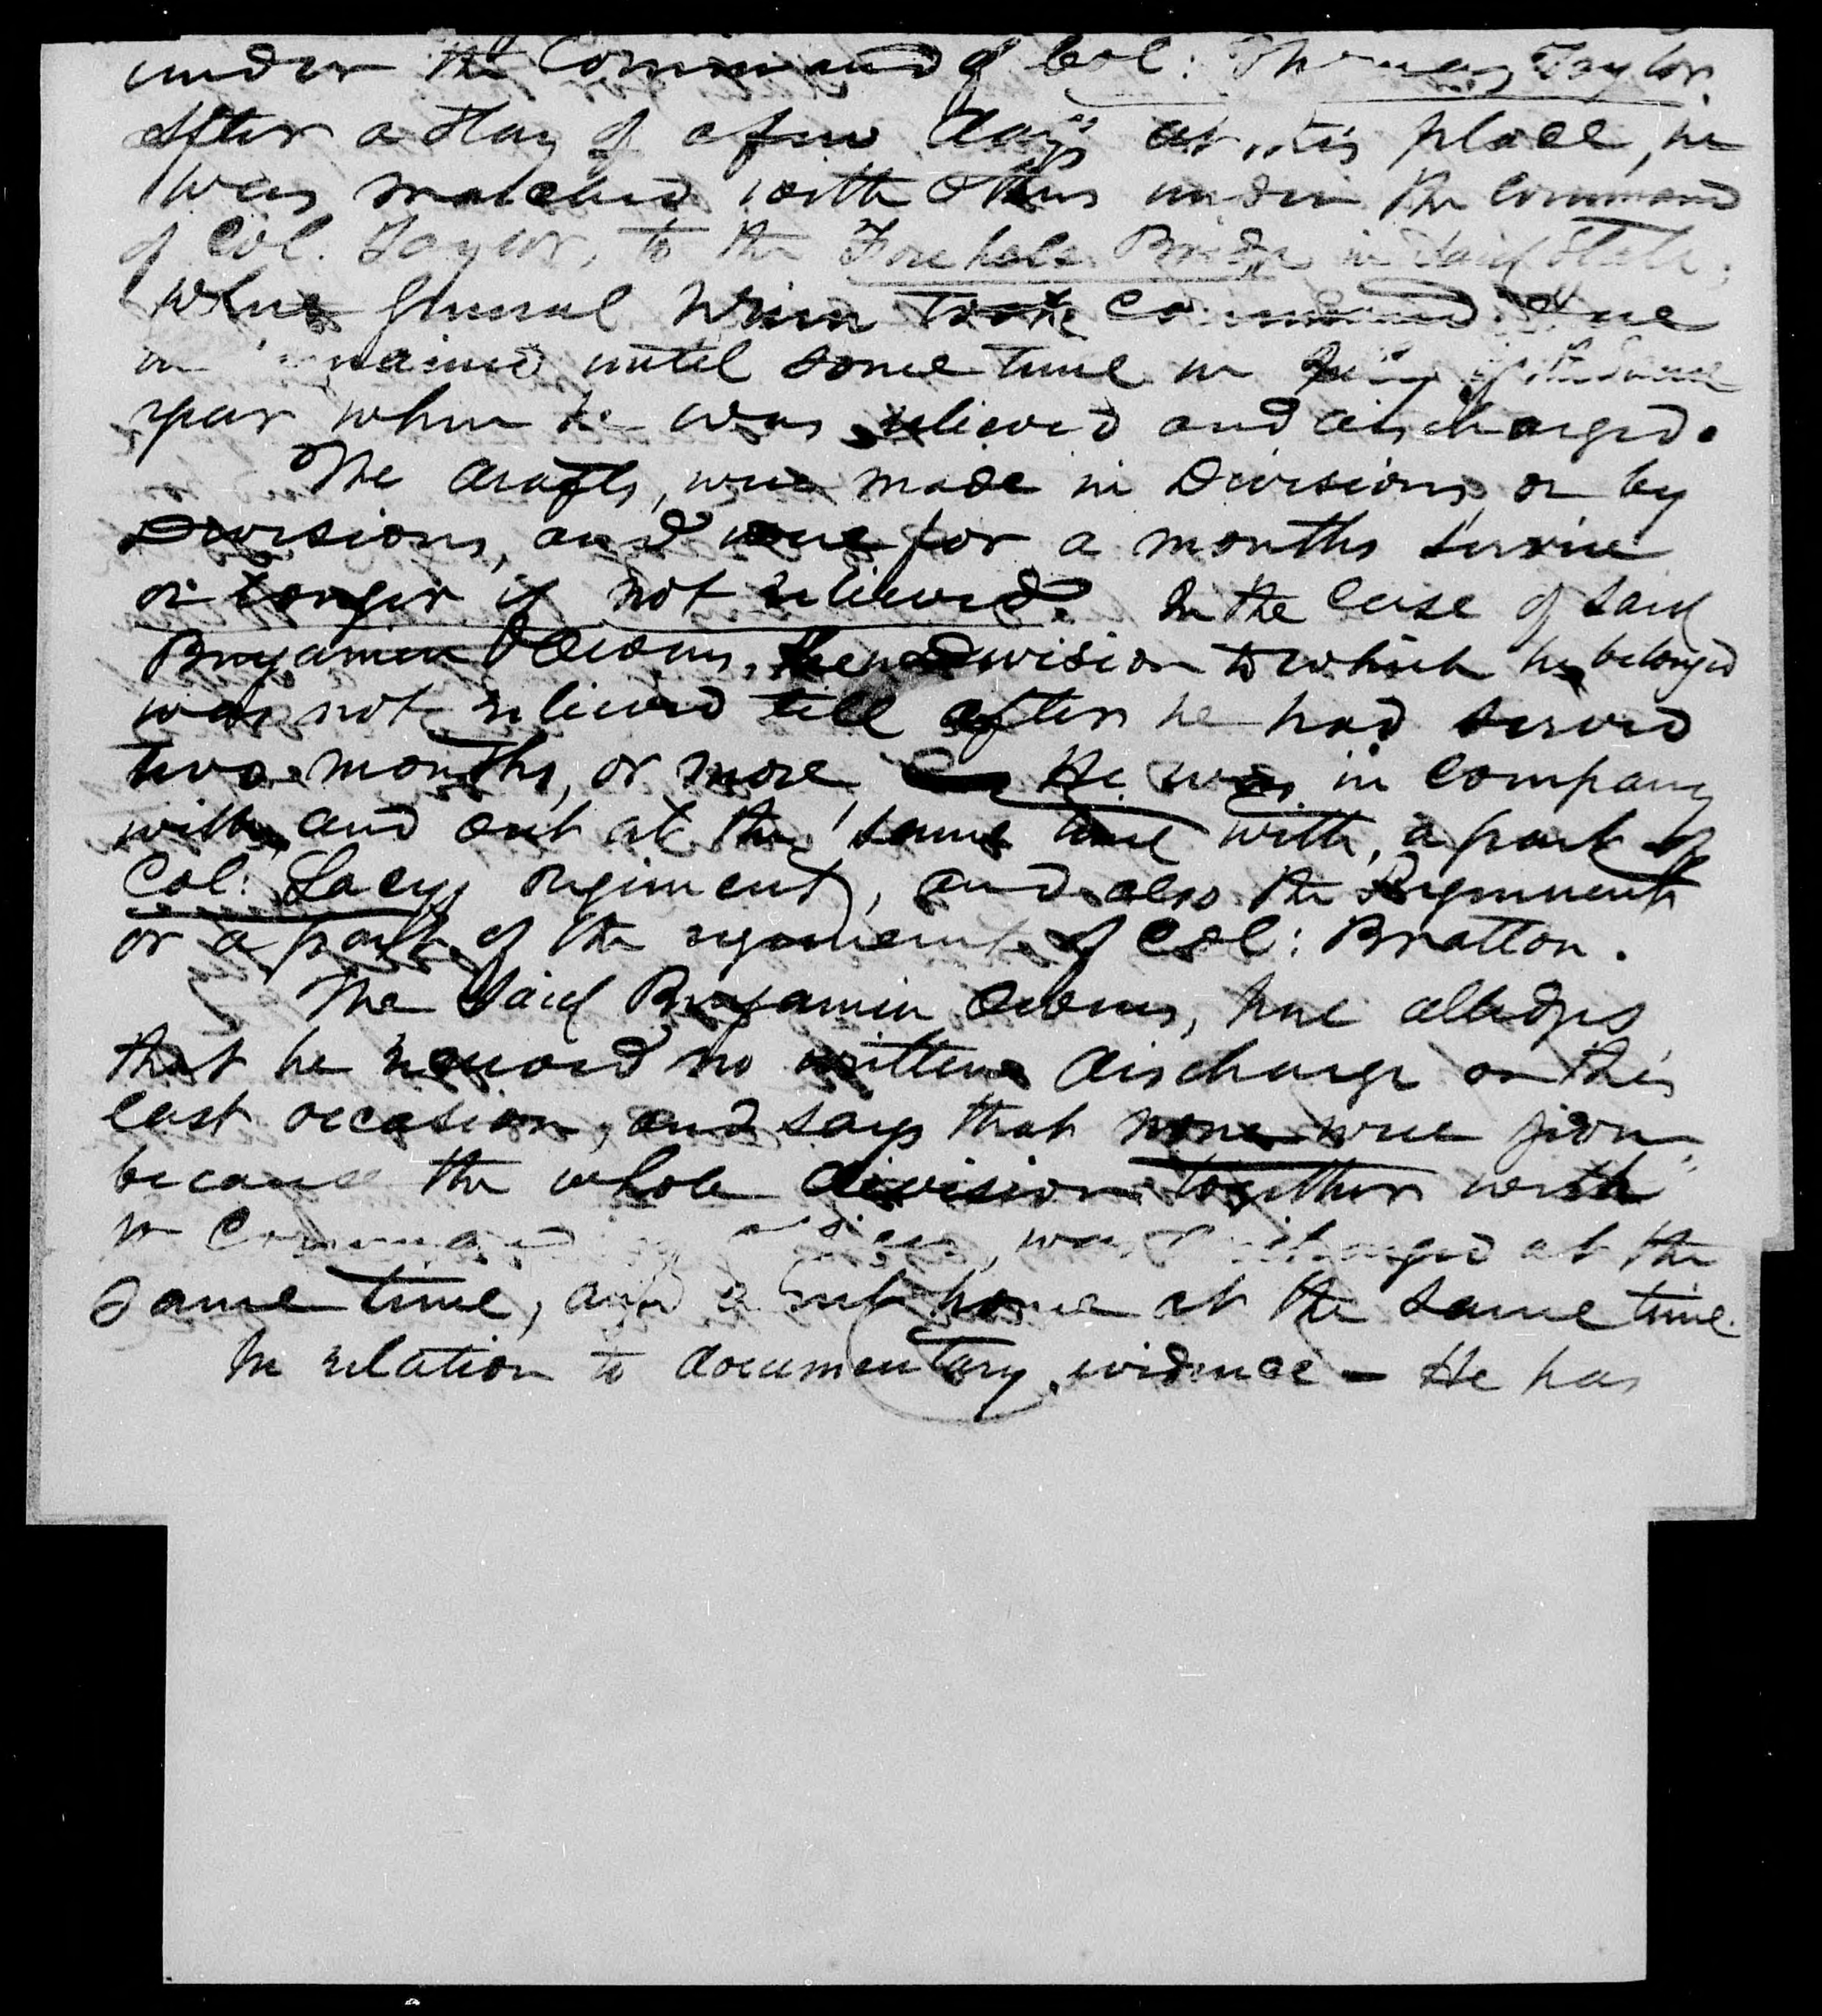under the command of Col. Thomas Taylor after a stay of few days at this place, he was marched with others under the command of Col. Taylor to the Forehole Bridge in said State., when General Winn took command.  Here we remained until some time in Feby of the next year when he was relieved and discharged.
The drafts were made in Division or by Division, and there for a months service
or longer if not relieved.  In the case of said Benjamin Owens, the Division to which he belonged was not relieved till after he had served two months or more.  He was in company with and out at the same time with a part Col: Lacys Regiment, and also the Regiment or a part of the regiment of Col: Bratton.
The said Benjamin Owens, has alleges that he received no written discharge on this last occasion, and says that none were from 
because the whole division together with the Commanding officer were discharged at the same time, and sent home at the same time.
In relation to documentary evidence -- He has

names: [BLANK] Bratton; Benjamin Owens; [BLANK] Winn; Thomas Taylor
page: 6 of 28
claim: rejected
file: R. 7846, for Benjamin Owens, South Carolina